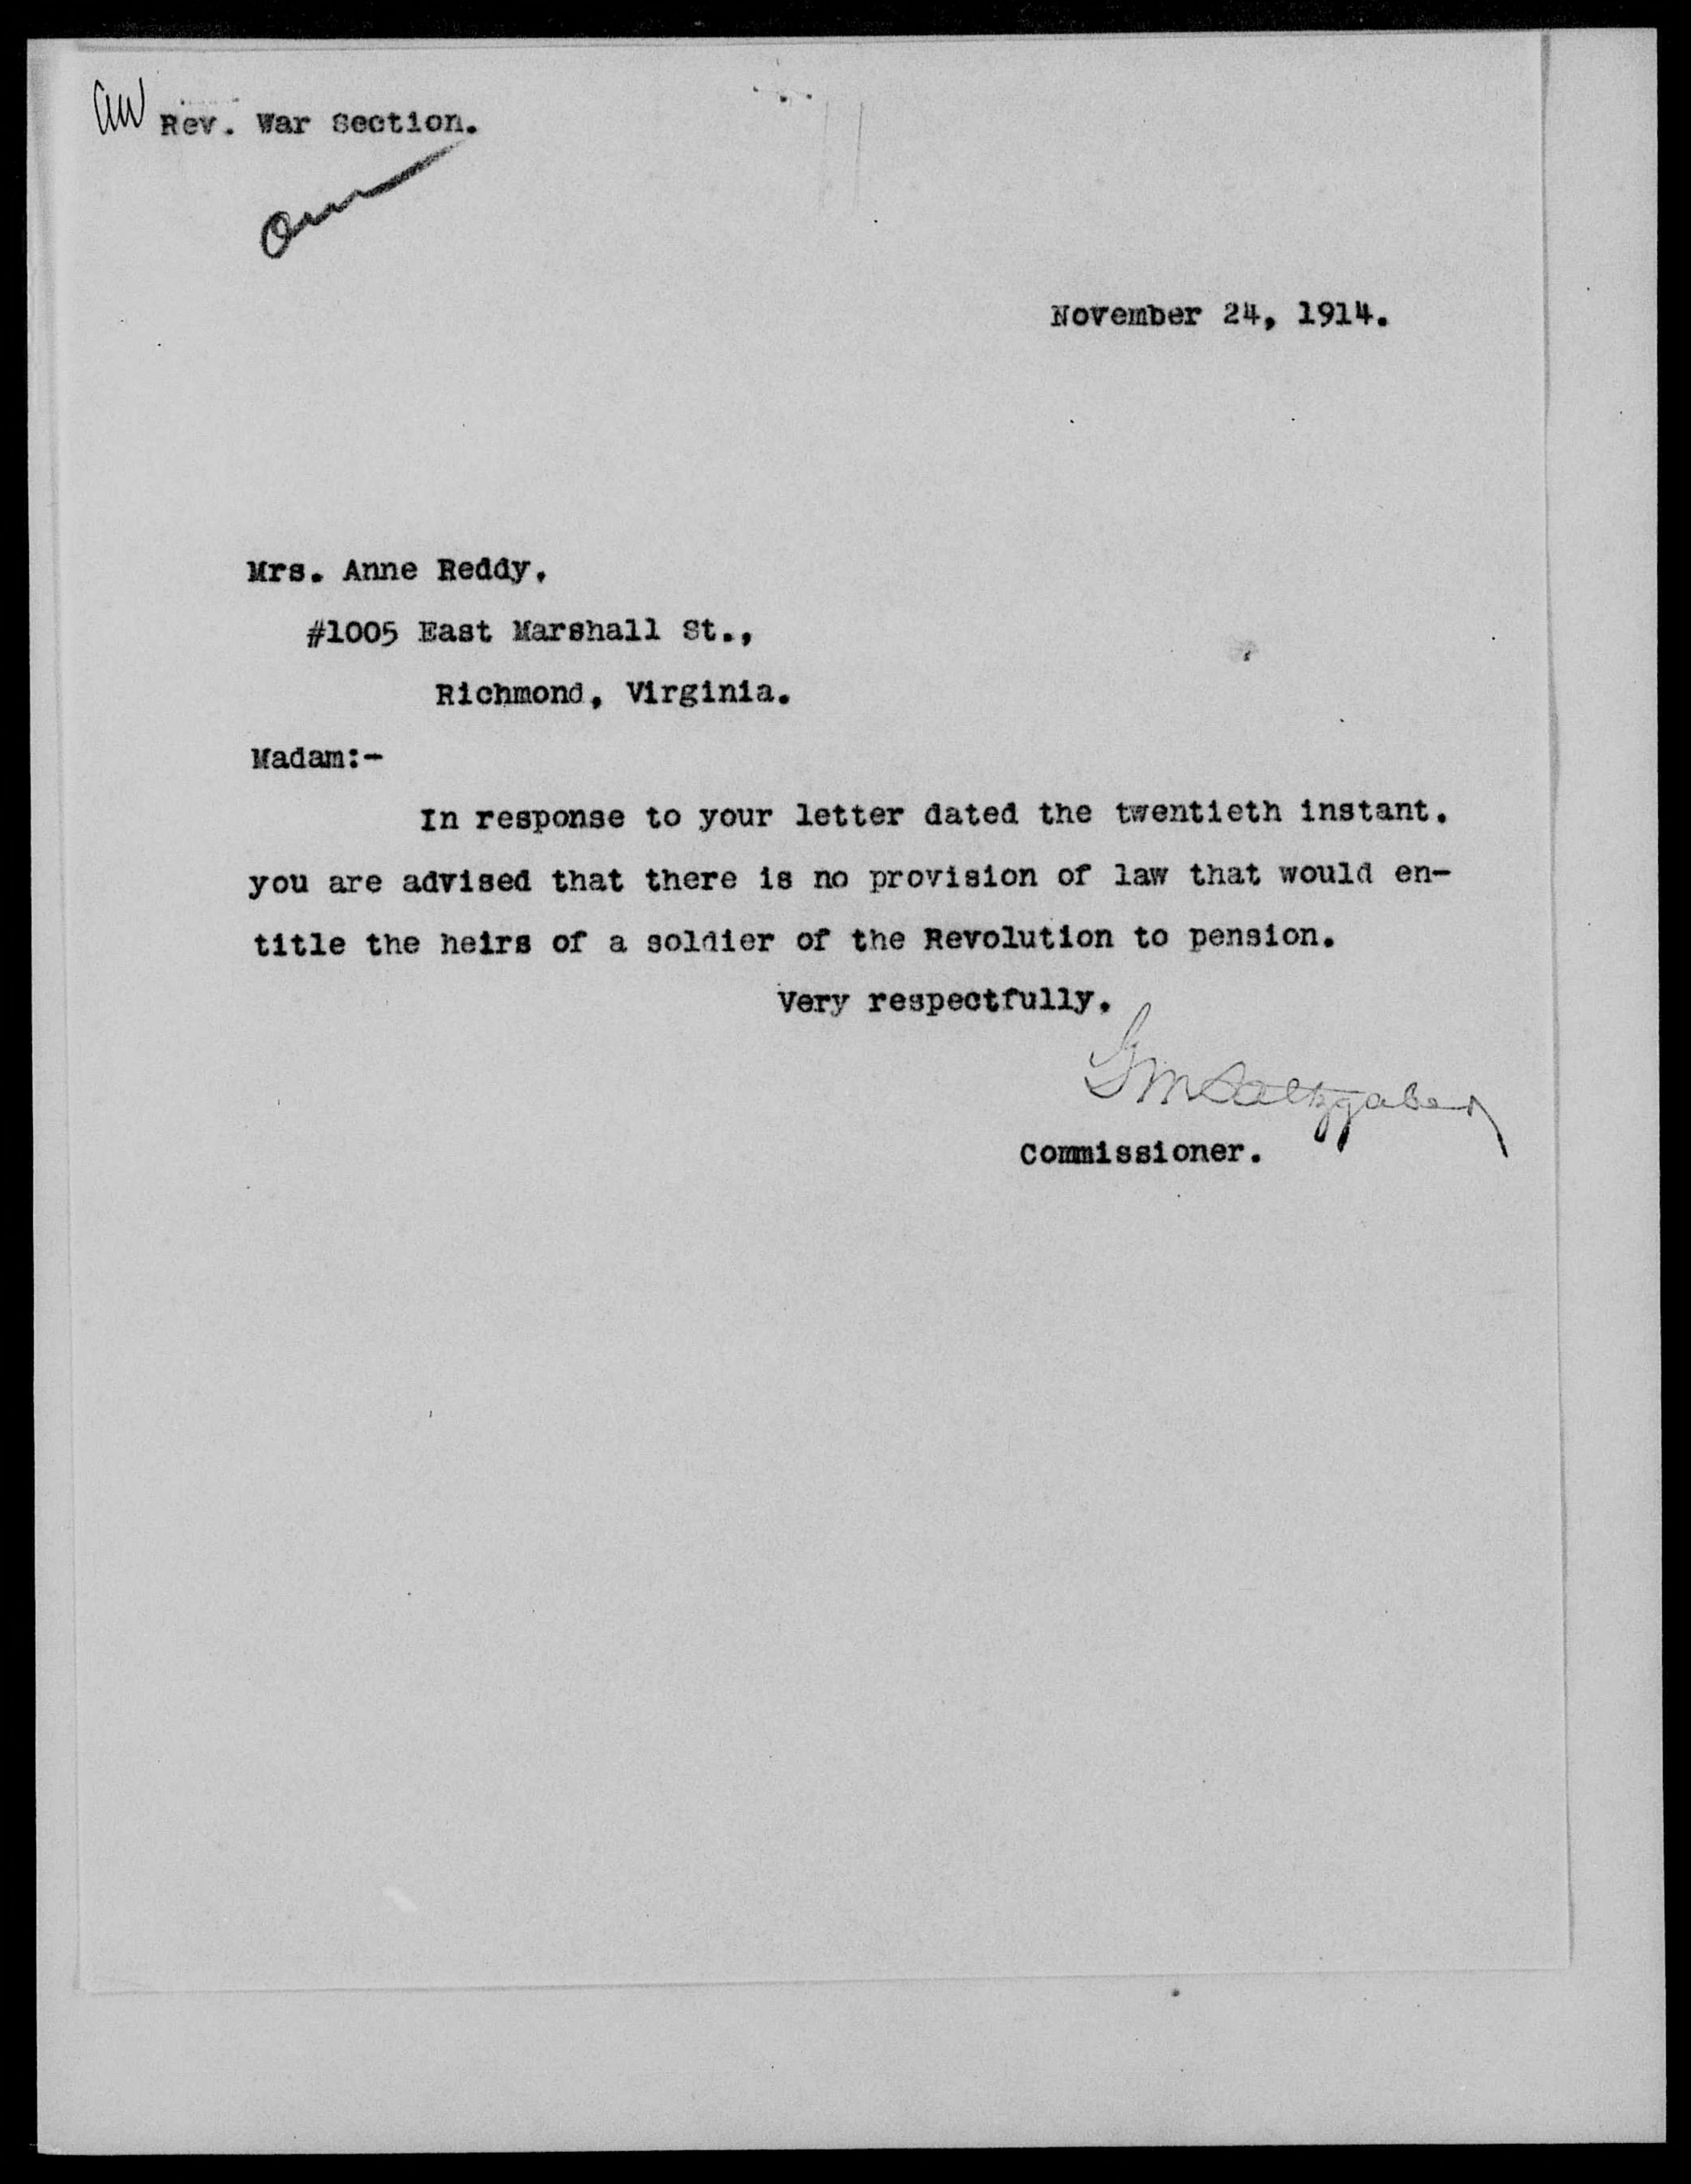Rev. War Section.

November 24, 1914.

Mrs. Anne Reddy,
#1005 East Marshall St.,
Madam:
Richmond, Virginia.

In response to your letter dated the twentieth instant.
you are advised that there is no provision of law that would entitle
the heirs of a soldier of the Revolution to pension.
Very respectfully,
GM Saltzgaber
Commissioner.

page: 19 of 22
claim: rejected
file: R. 17251, for Thomas Quarles, Virginia